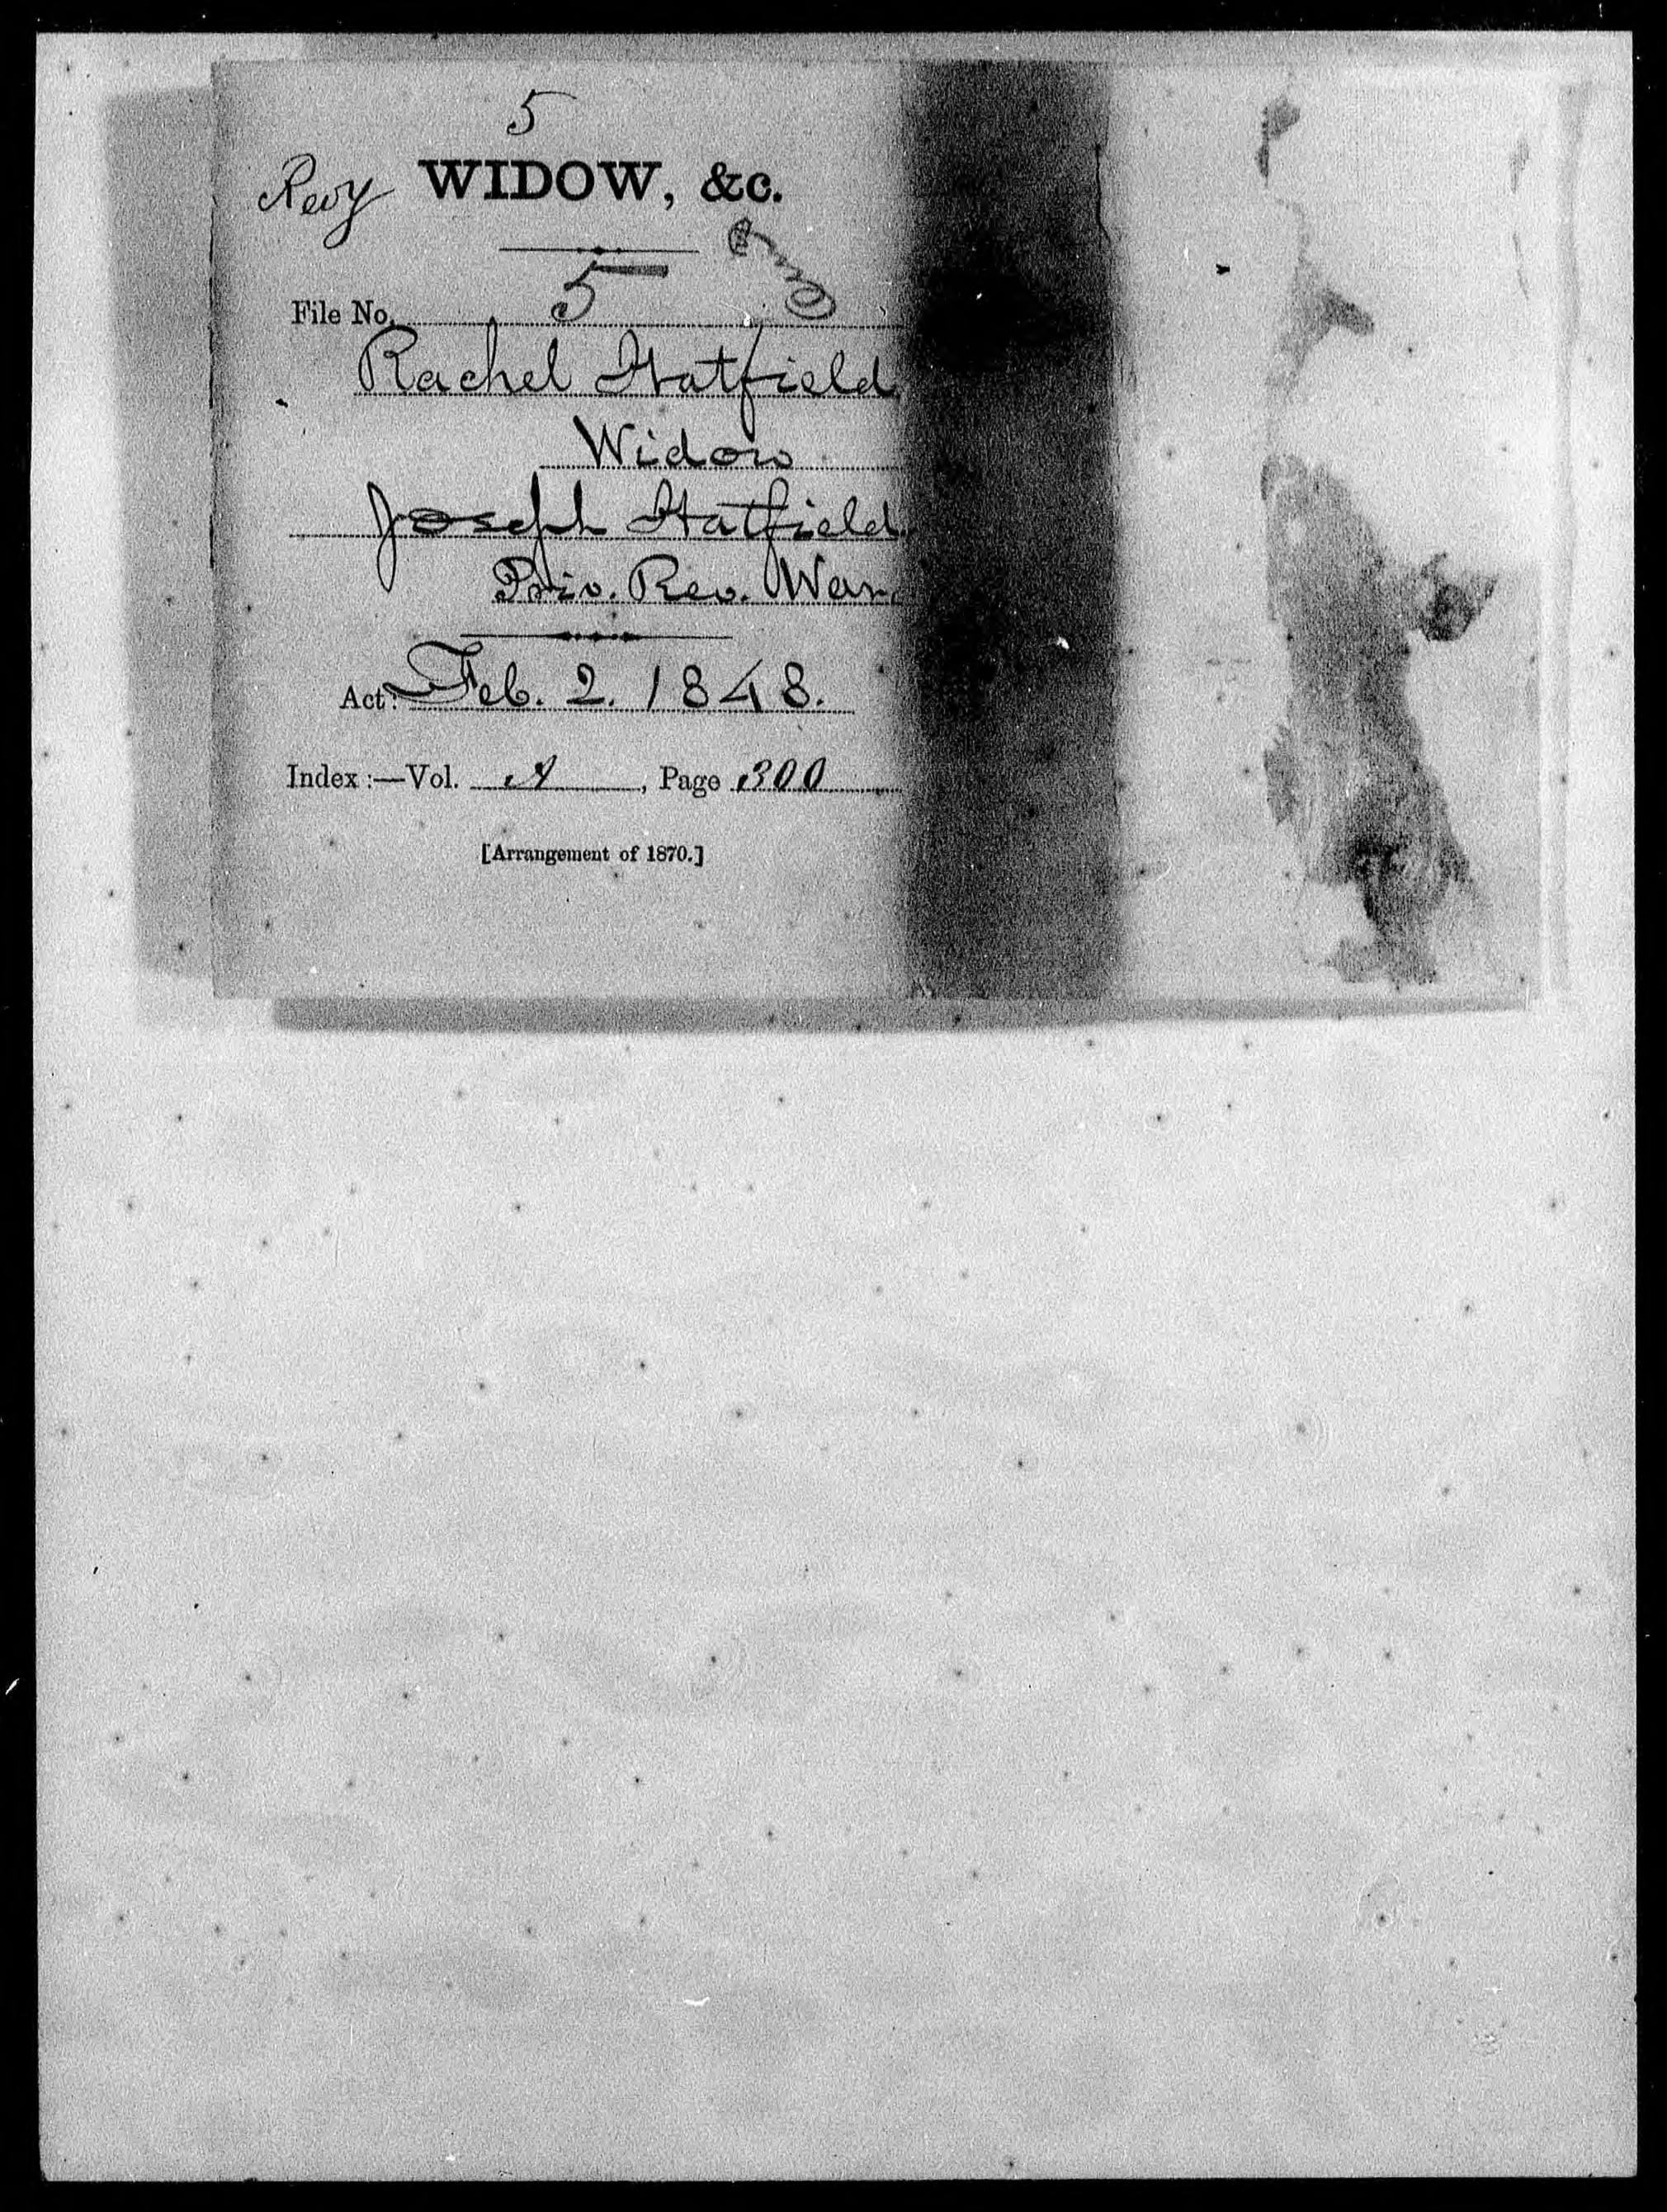5
Revy WIDOW, &c.
File No. 5
Rachel Hatfield
Widow
Joseph Hatfield
Priv. Rev. War
Act: Feb. 2, 1848.
Index:-Vol. A, Page 300
[Arrangement of 1870.]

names: Rachel Hatfield, Joseph Hatfield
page: 32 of 74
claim: widow's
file: W. 5, Joseph Hatfield, Va.